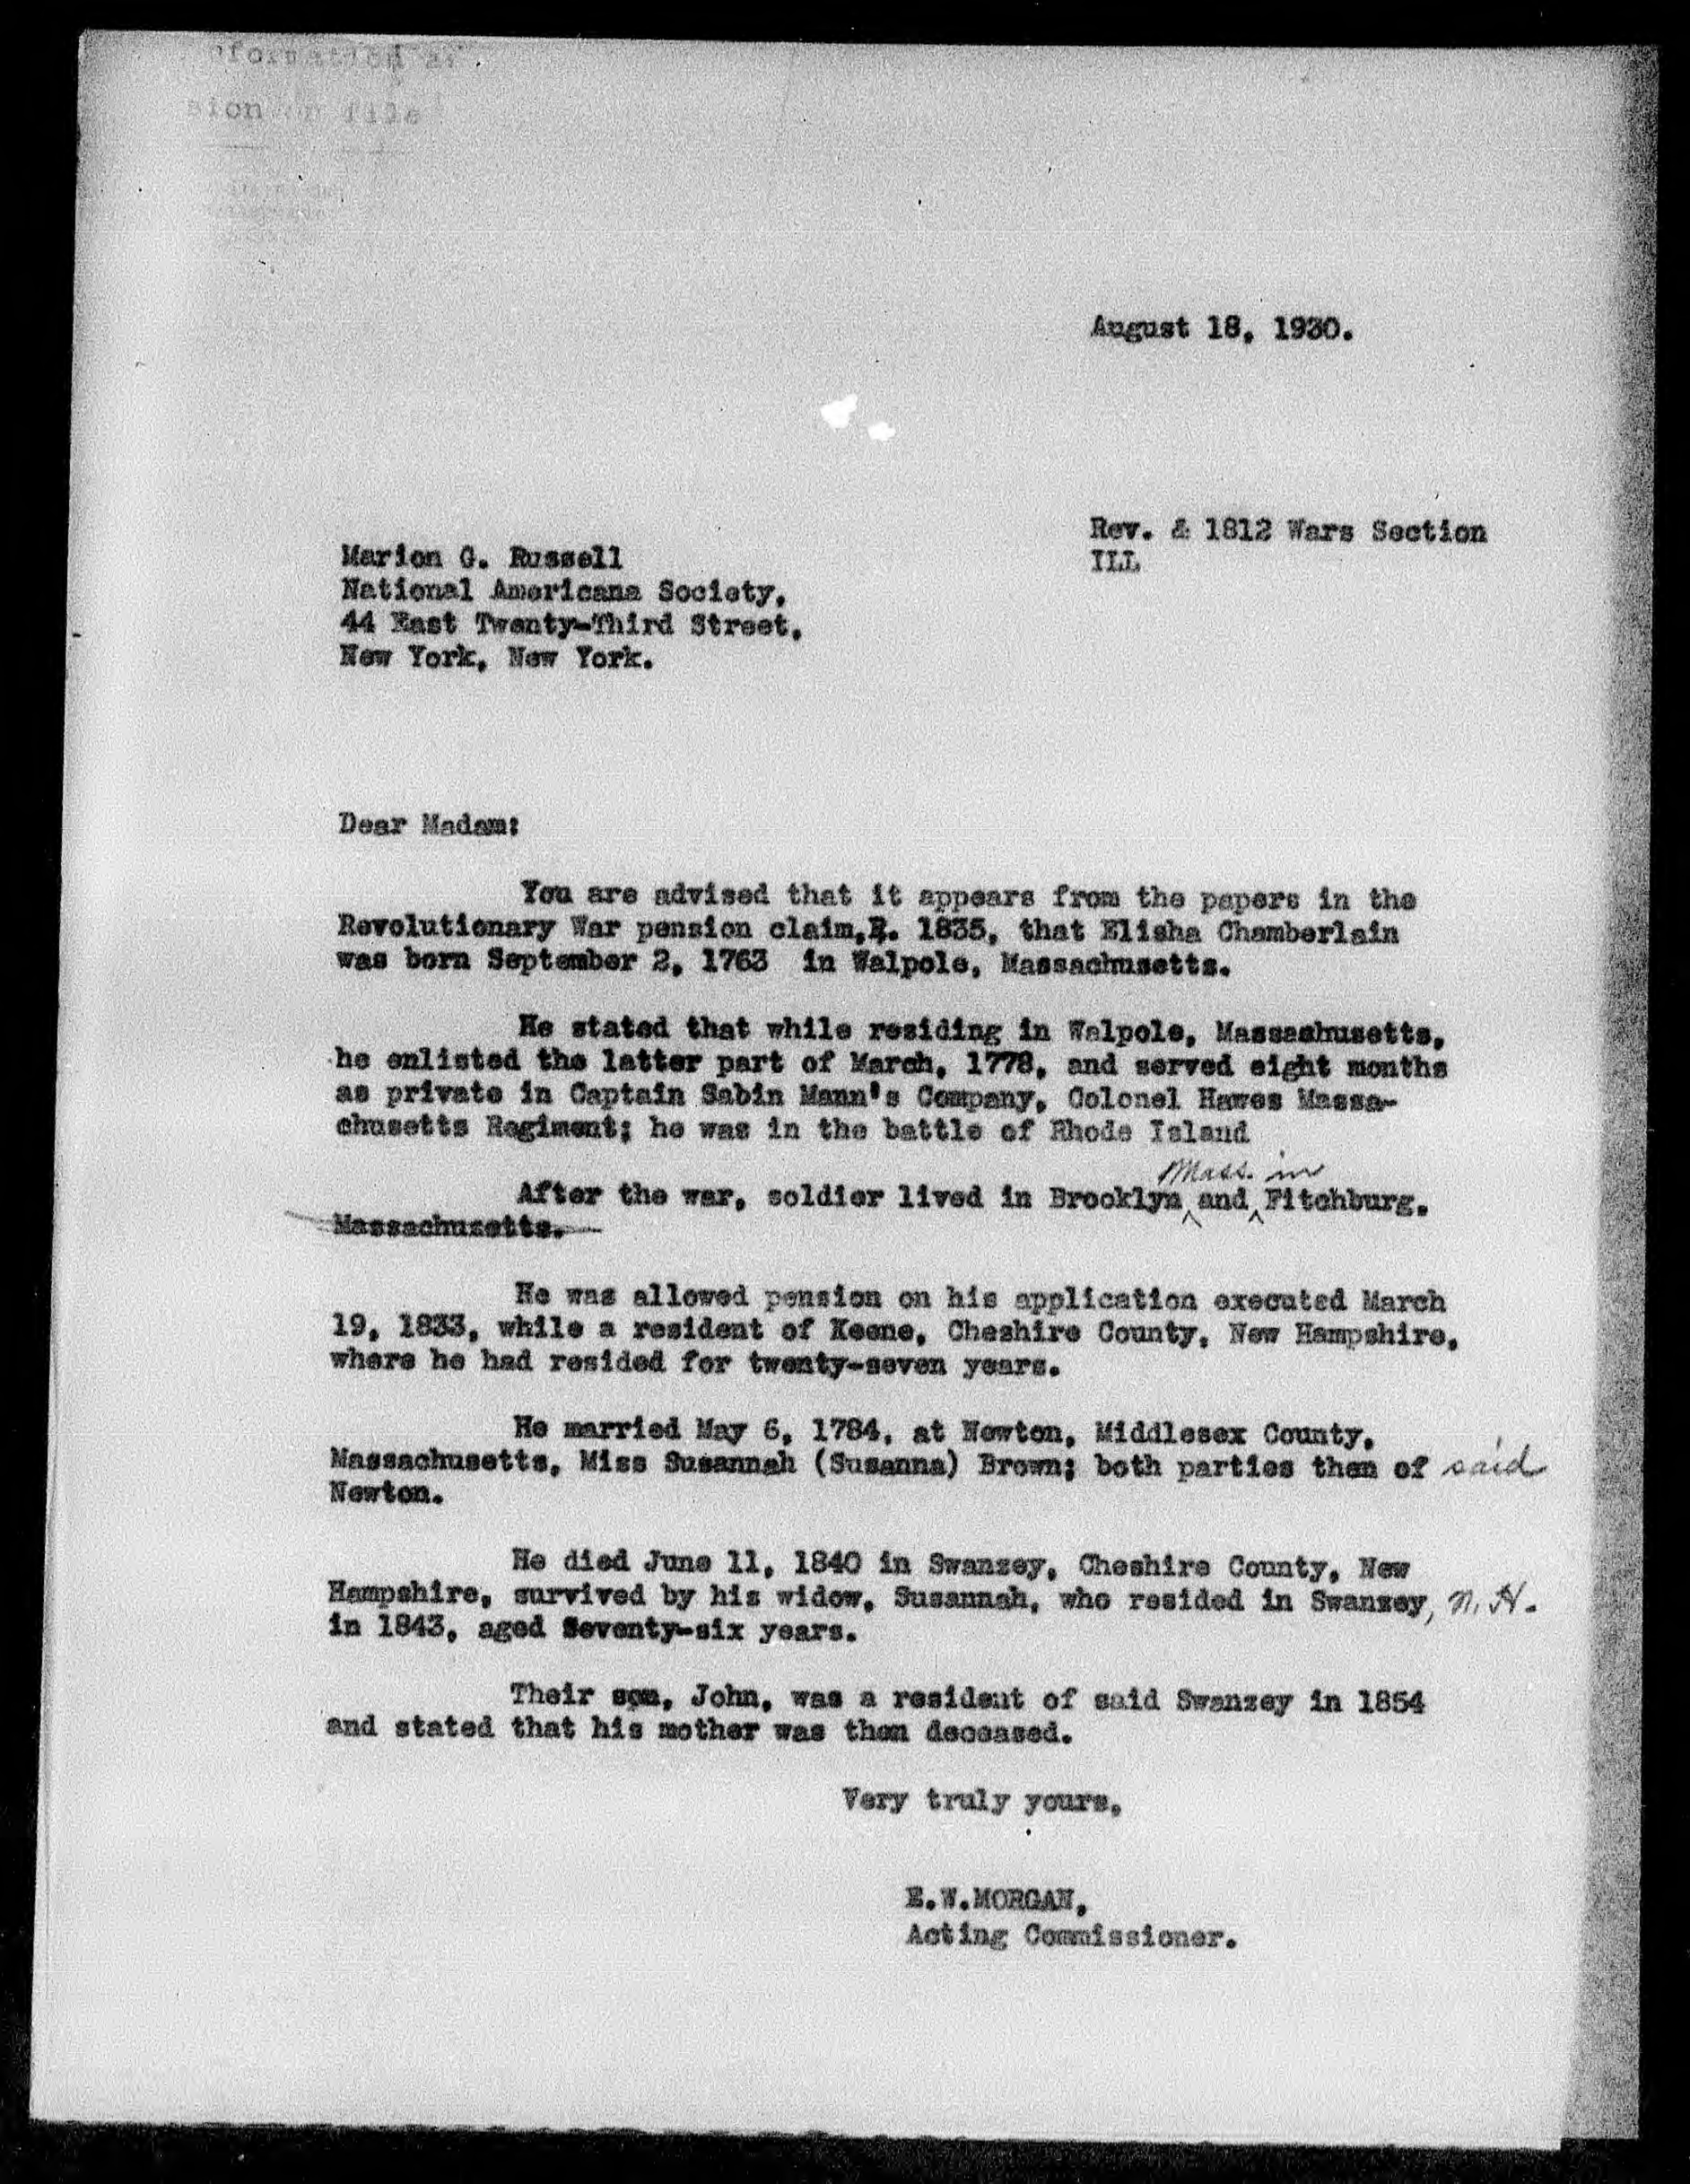August 18, 1930. 

Rev. & 1812 Wars Section
ILL

Marion G. Russell
National Americans Society,
44 East Twenty-Third Street, 
New York, New York.

Dear Madam:

You are advised that it appears from the papers in the Revolutionary War pension claim, R. 1835, that Elisha Chamberlain was born September 2, 1763 in Walpole, Massachusetts.

He stated that while residing in Walpole, Massachusetts, he enlisted the latter part of March, 1778, and served eight months as private in Captain Sabin Mann's Company, Colonel Hawes Massachusetts Regiment; he was in the battle of Rhode Island.

After the war, soldier lived in Brooklyn, Mass. and in Fitchburg (Massachusetts).

He was allowed pension on his application executed March 19, 1833, while a resident of Keene, Cheshire County, New Hampshire, where he had resided for twenty-seven years. 

He married May 6, 1784, at Newton, Middlesex County, Massachusetts, Miss Susannah (Susanna) Brown; both parties then of said Newton.

He died June 11, 1840 in Swanzey, Cheshire County, New Hampshire, survived by his widow, Susannah, who resided in Swanzey, N.H. in 1843, aged Seventy-six years.

Their son, John, was a resident of said Swanzey in 1854 and stated that his mother was then deceased.

Very truly yours,

E.W.MORGAN,
Acting Commissioner.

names: John, Susannah Brown, Susanna Brown, Susannah, Elisha Chamberlain, E W Morgan, Marion G Russell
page: 13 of 24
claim: rejected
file: R. 1835, Elisha Chamberlain, Mass.